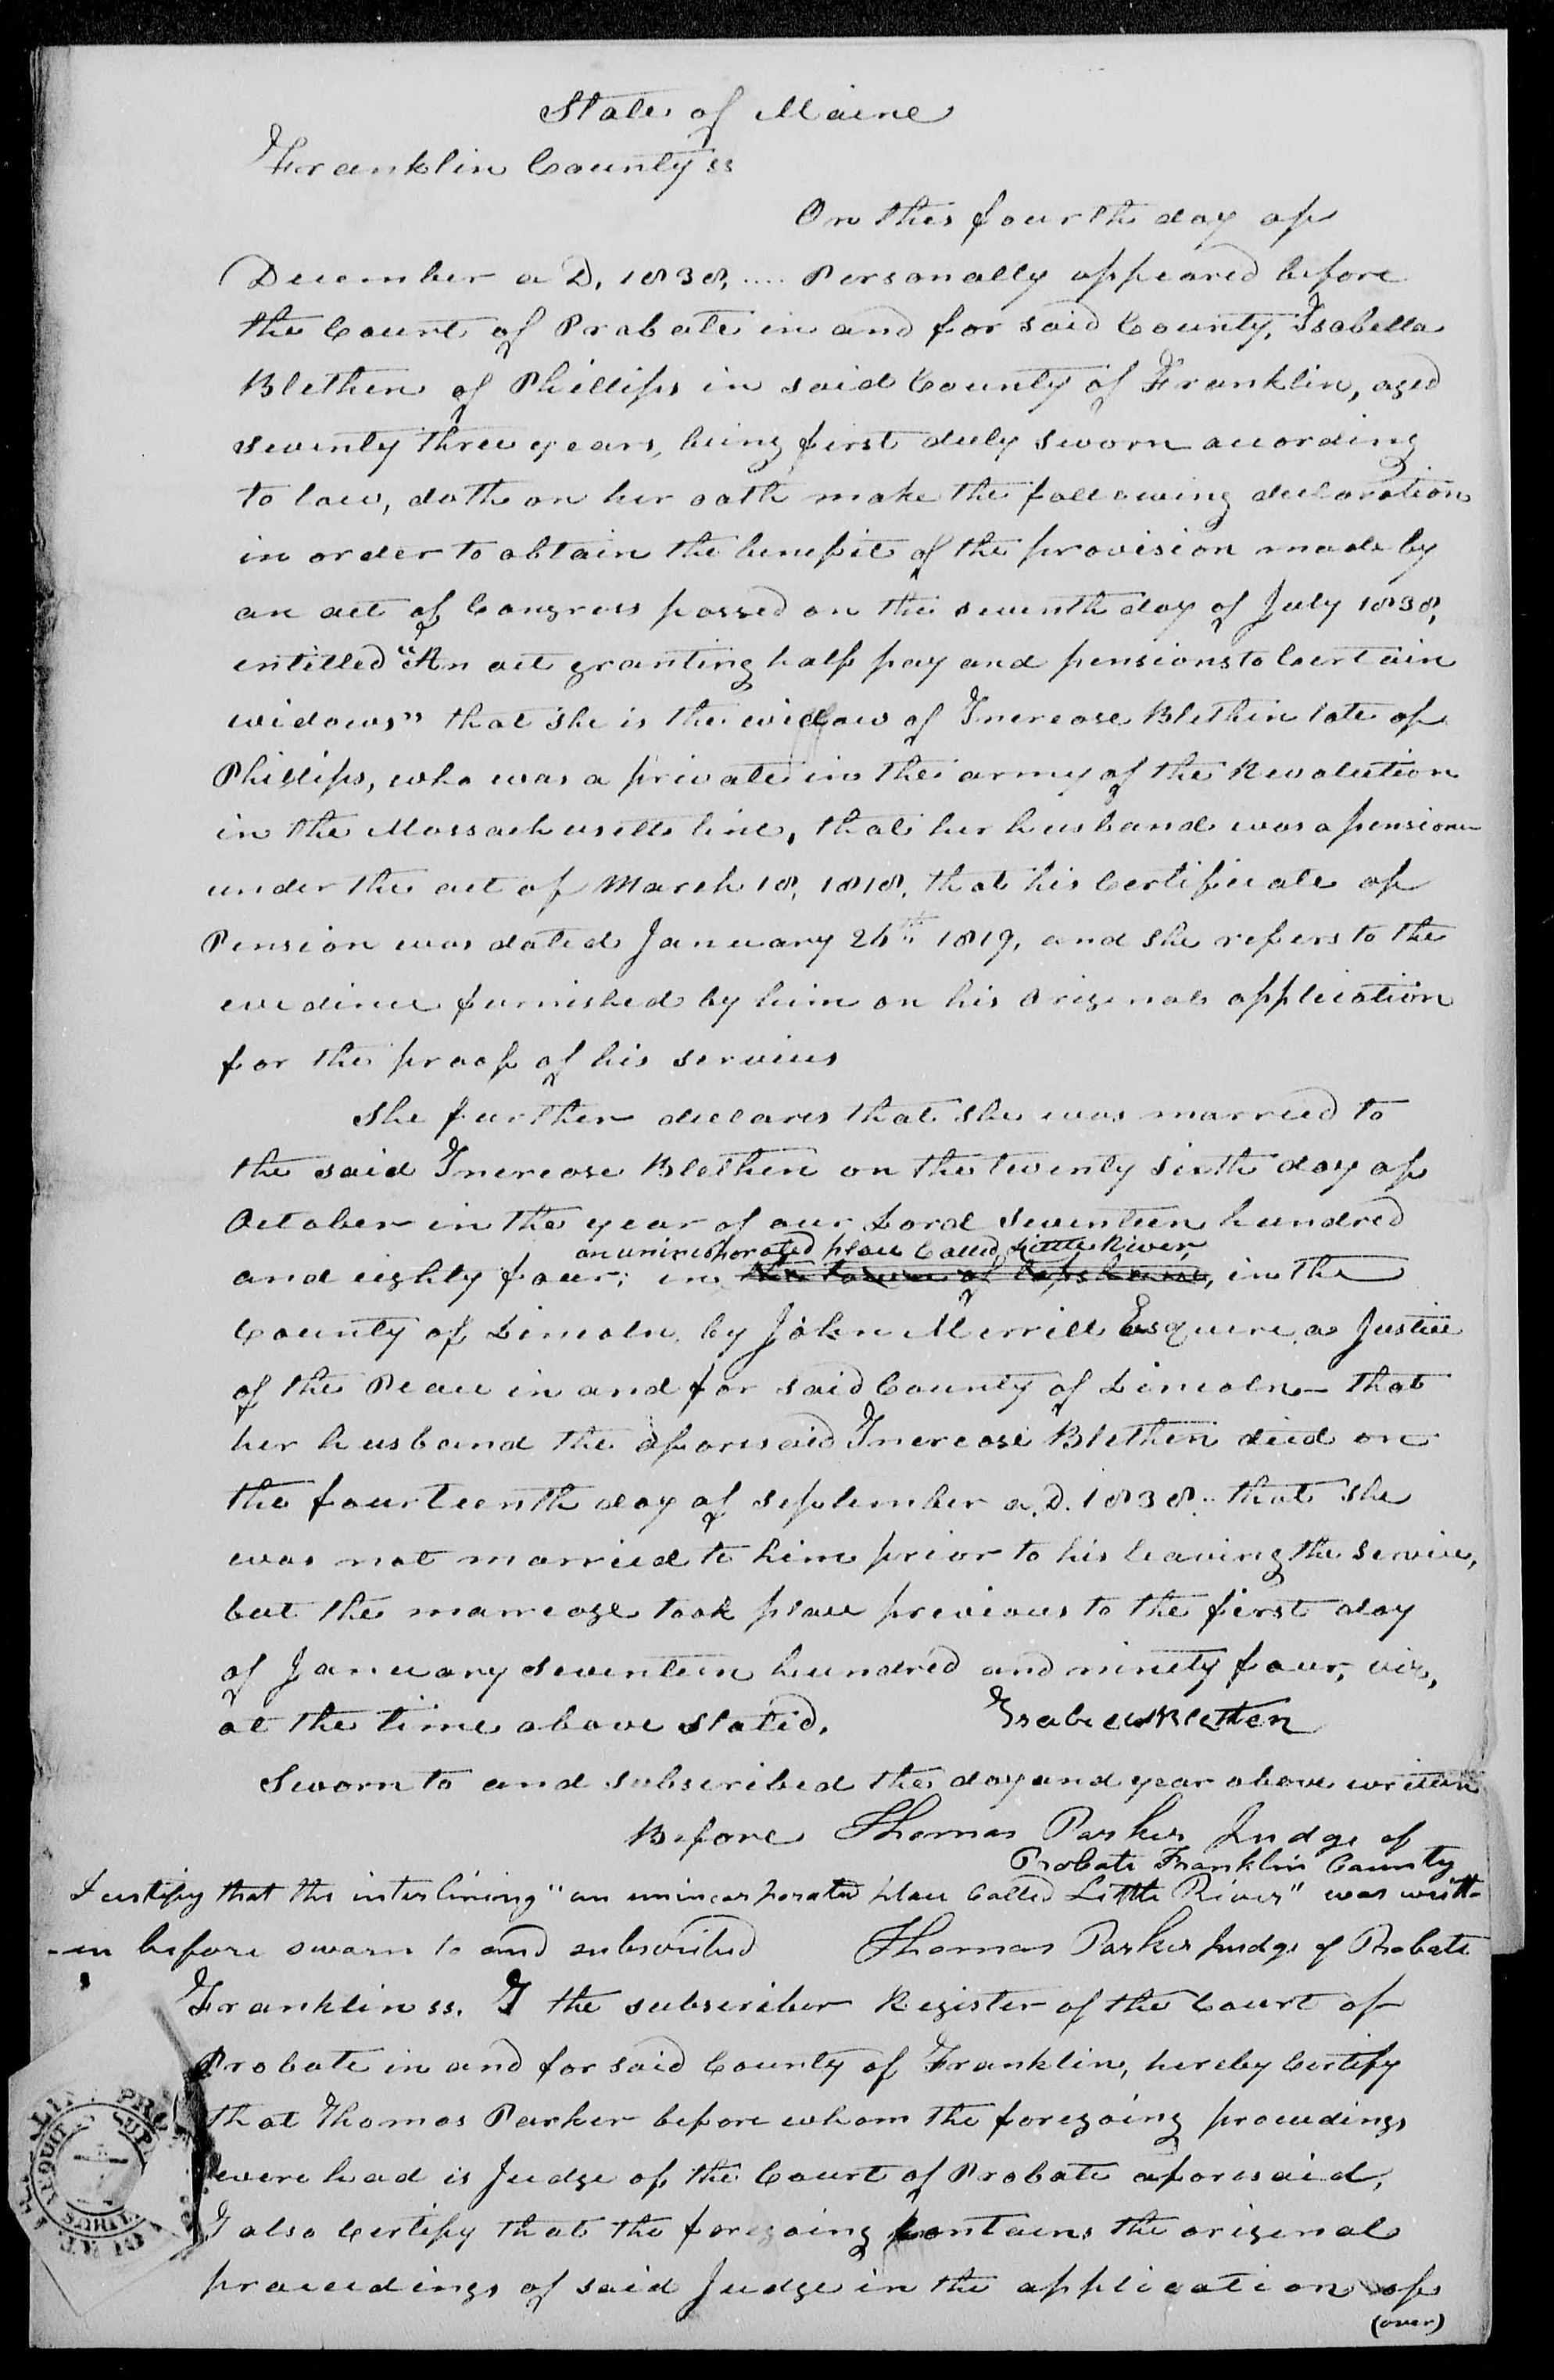State of Maine
Franklin County ss
On this fourth day of
December A.D. 1838...Personally appeared before
the Court of Probate in and for said county, Isabella
Blethin of Phillips in said County of Franklin, aged
seventy three years, being first duly sworn according
to law, doth on her oath make the following declaration
in order to obtain the benefit of the provision made by
an act of Congress passed on the seventh day of July 1838
entitled "An act granting half pay and pensions to certain
widows" that she is the widow of Increase Blethen late of
Phillips, who was a private in the army of the Revolution
in the Massachusetts line, that her husband was a pensioner
under the act of March 10,1819, and she refers to the
evidence furnished by him on his original application
for the proof of his services.
She further declares that she was married to
the said Increase Blethen on the twenty sixth day of
October in the year of our Lord Seventeen hundred
and eighty four; in an unincorporated place called Little River in the
County of Lincoln by John Merrill Esquire as Justice
of the Peace in and for said County of Lincoln that
her husband the aforesaid Increase Blethen died on
the fourteenth day of September a.d. 1838 that she
was not married to him prior to his leaving the service
but the marriage took place previous to the first day
of January seventeen hundred and ninety four, viz,
at the time above stated.    Isabella Blethen
Sworn to and subscribed the day and year above written
Before Thomas Parker Judge of
Probate Franklin County
Justify that the [illegible] and unincorporated place called Little River was written
before sworn to and subscribed    Thomas Parker Judge of Probate
Franklin ss. I the subscriber Register of the Court of
Probate in and for said County of Franklin hereby certify
that Thomas Parker before whom the foregoing proceedings
were heard is Judge of the Court of Probate aforesaid,
I also certify that the foregoing contains the original
proceedings of said Judge in the application of
(over)

[Bottom left side of page illegible seal]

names: Increase Blethin, Increase Blethen, Isabella Blethen, Increase Blethen, Isabella Blethen, Thomas Parker, Thomas Parker, John Merrill, Thomas Parker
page: 13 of 39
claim: widow's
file: W. 23,621, Increase Blethen, Mass.